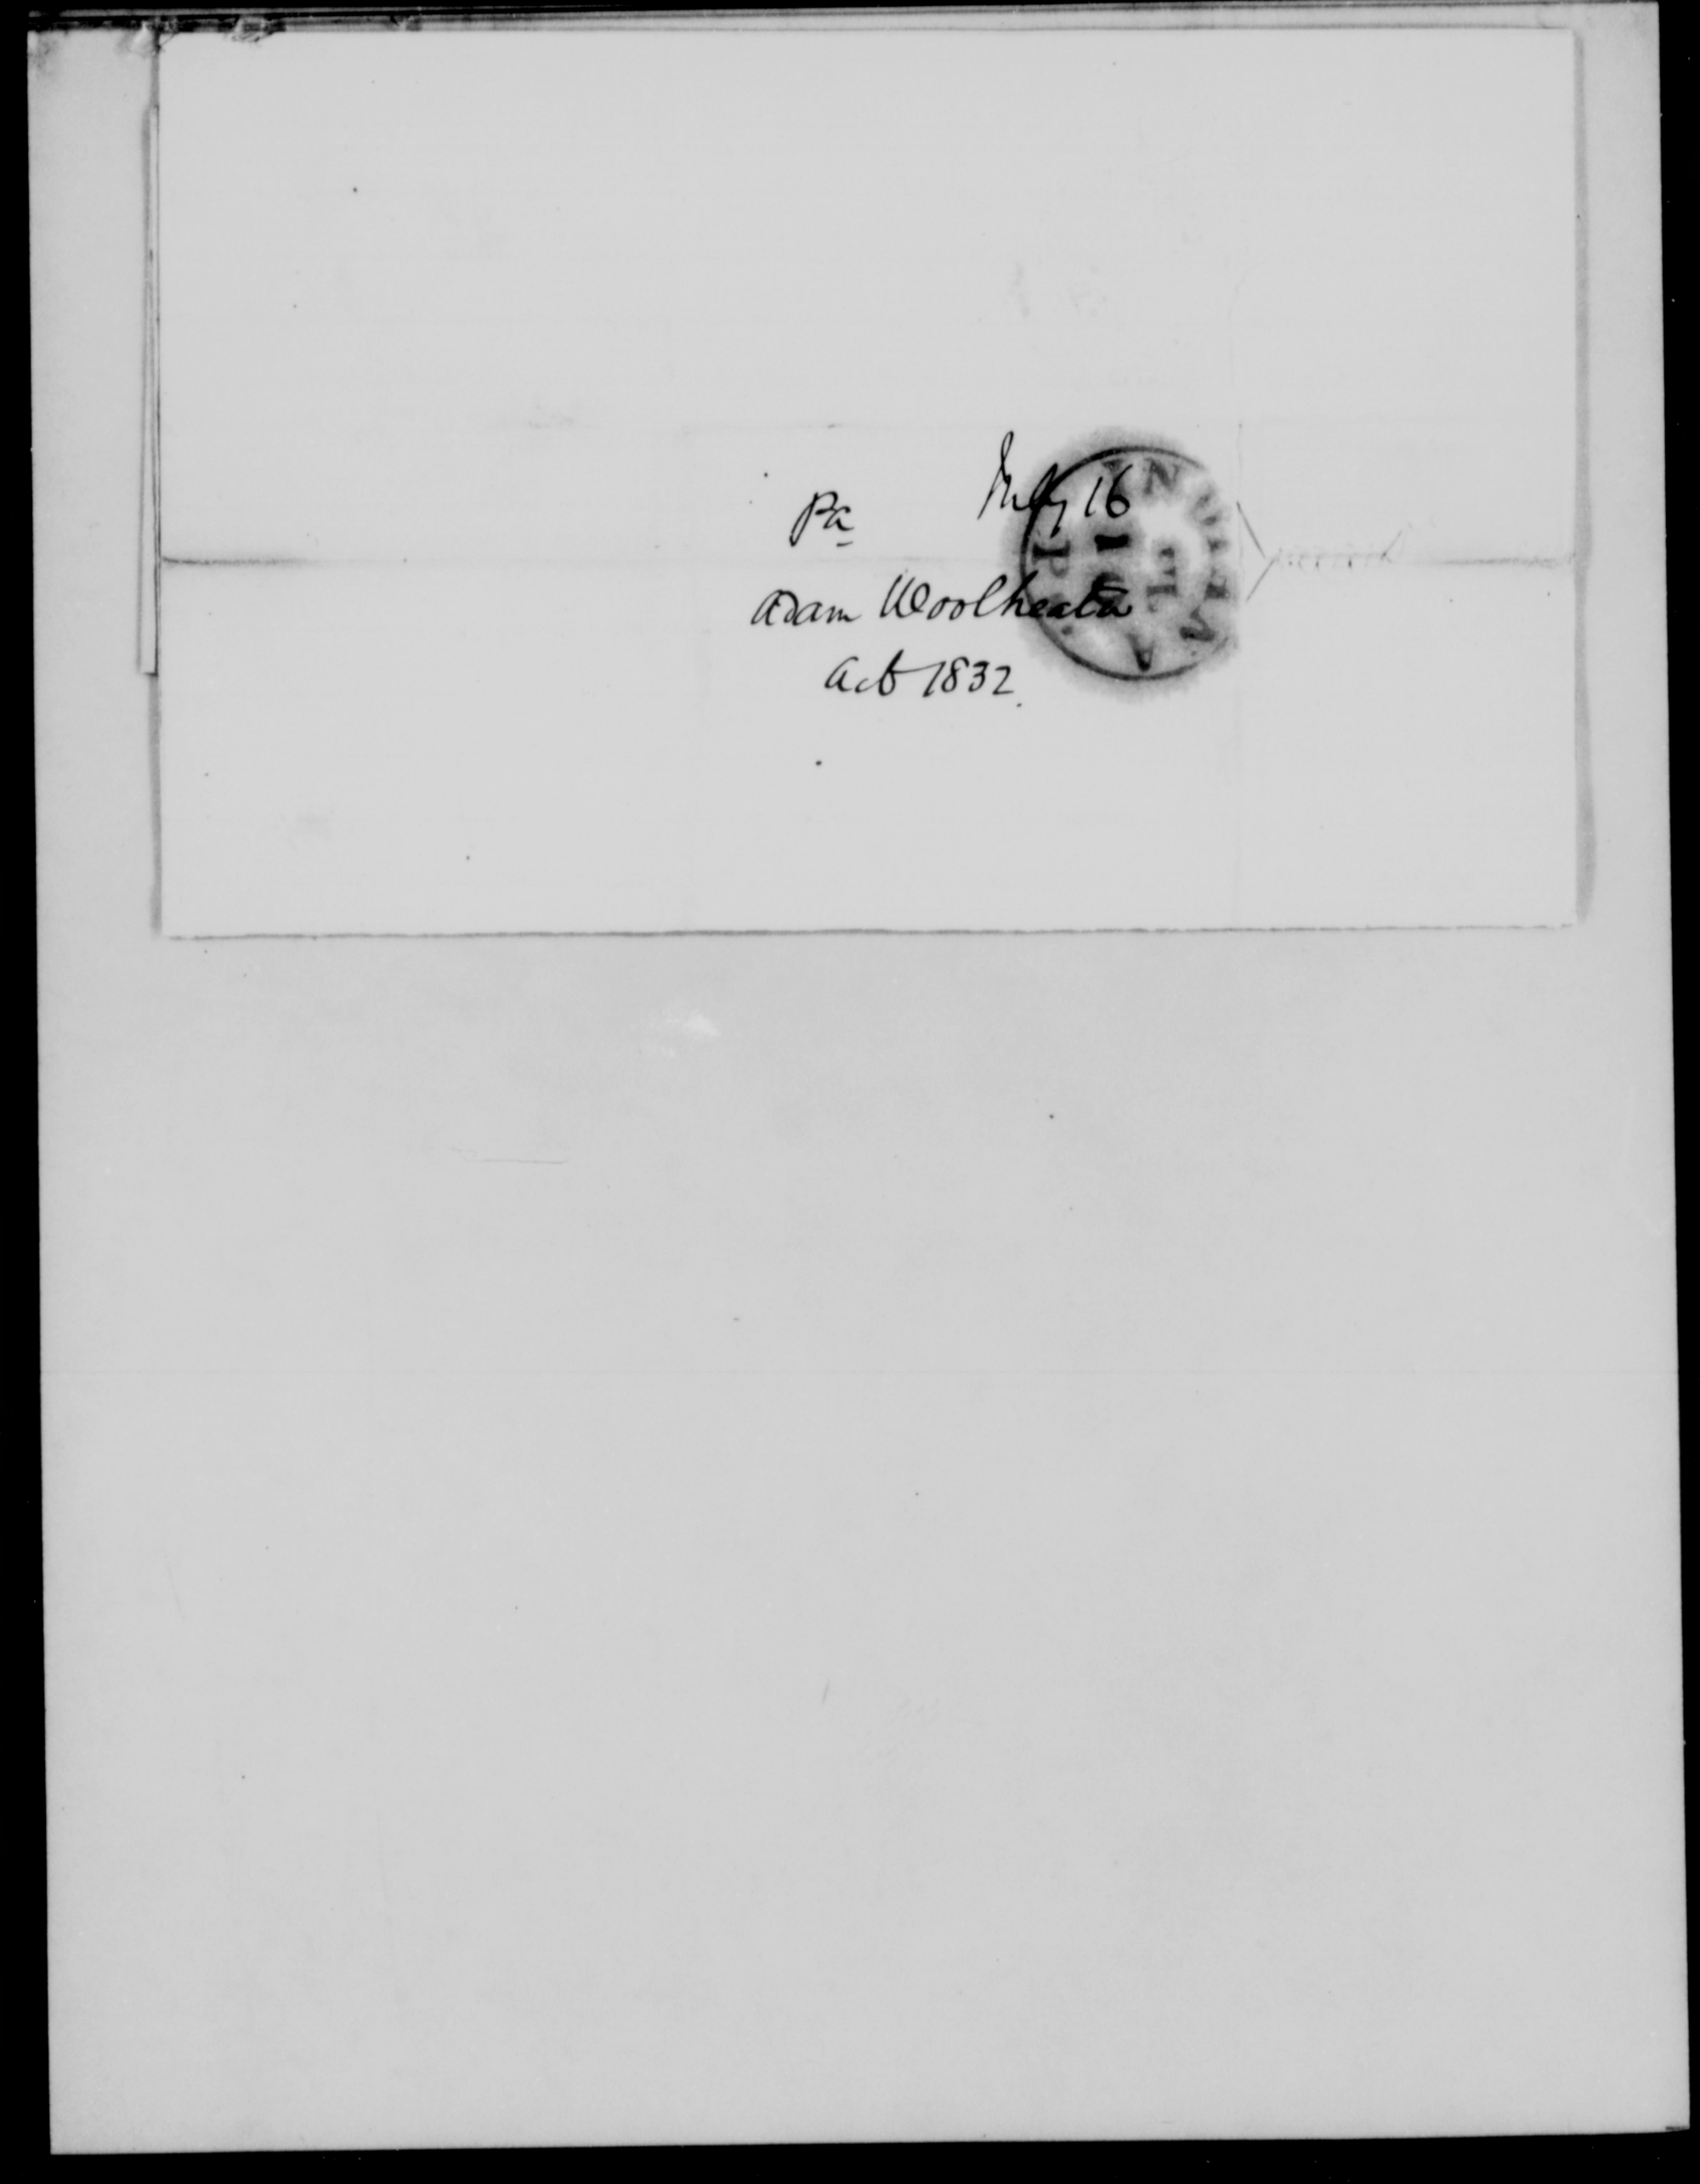July 16
Pa
Adam Woolheater 
Act 1832

[circle stamp]
INDIANA PA 
JUL 10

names: Adam Woolheater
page: 17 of 18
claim: rejected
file: R. 11854, Adam Woolheater, Md.